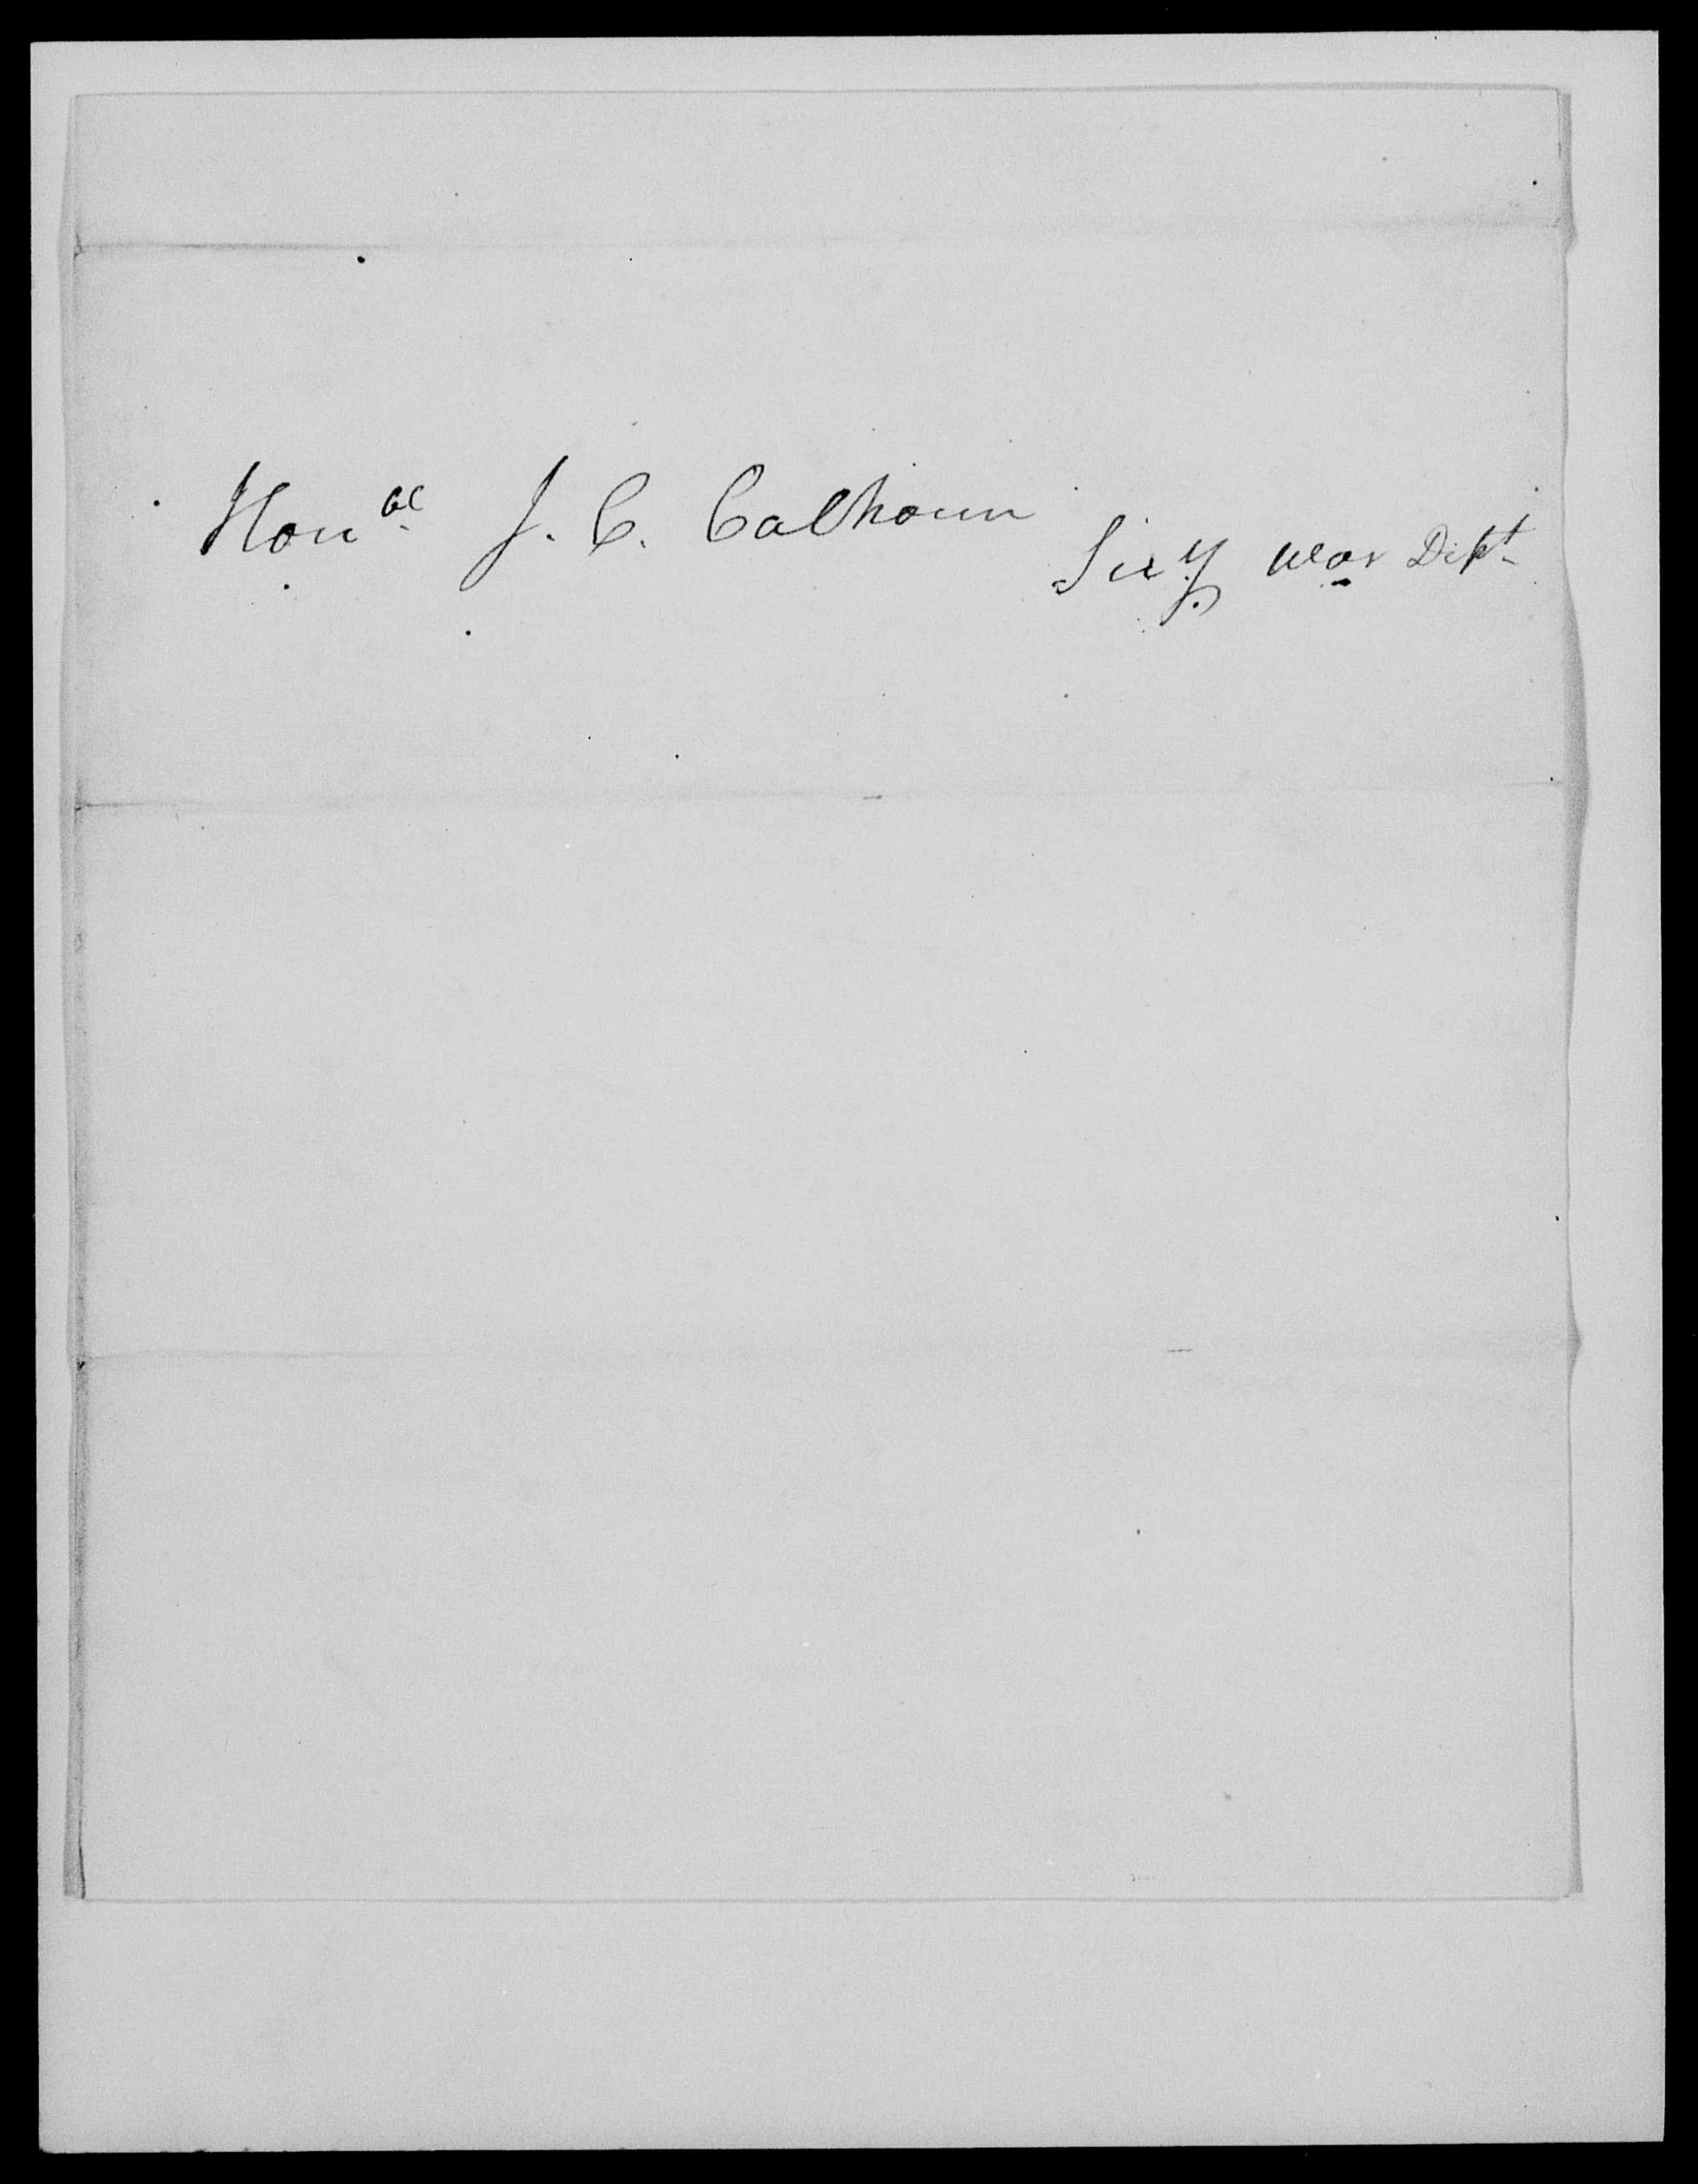Hon J. C. Calhoun
Sec'y War Dept.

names: J C Calhoun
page: 39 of 62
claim: widow's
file: W. 21391, Robert Holley, Conn.